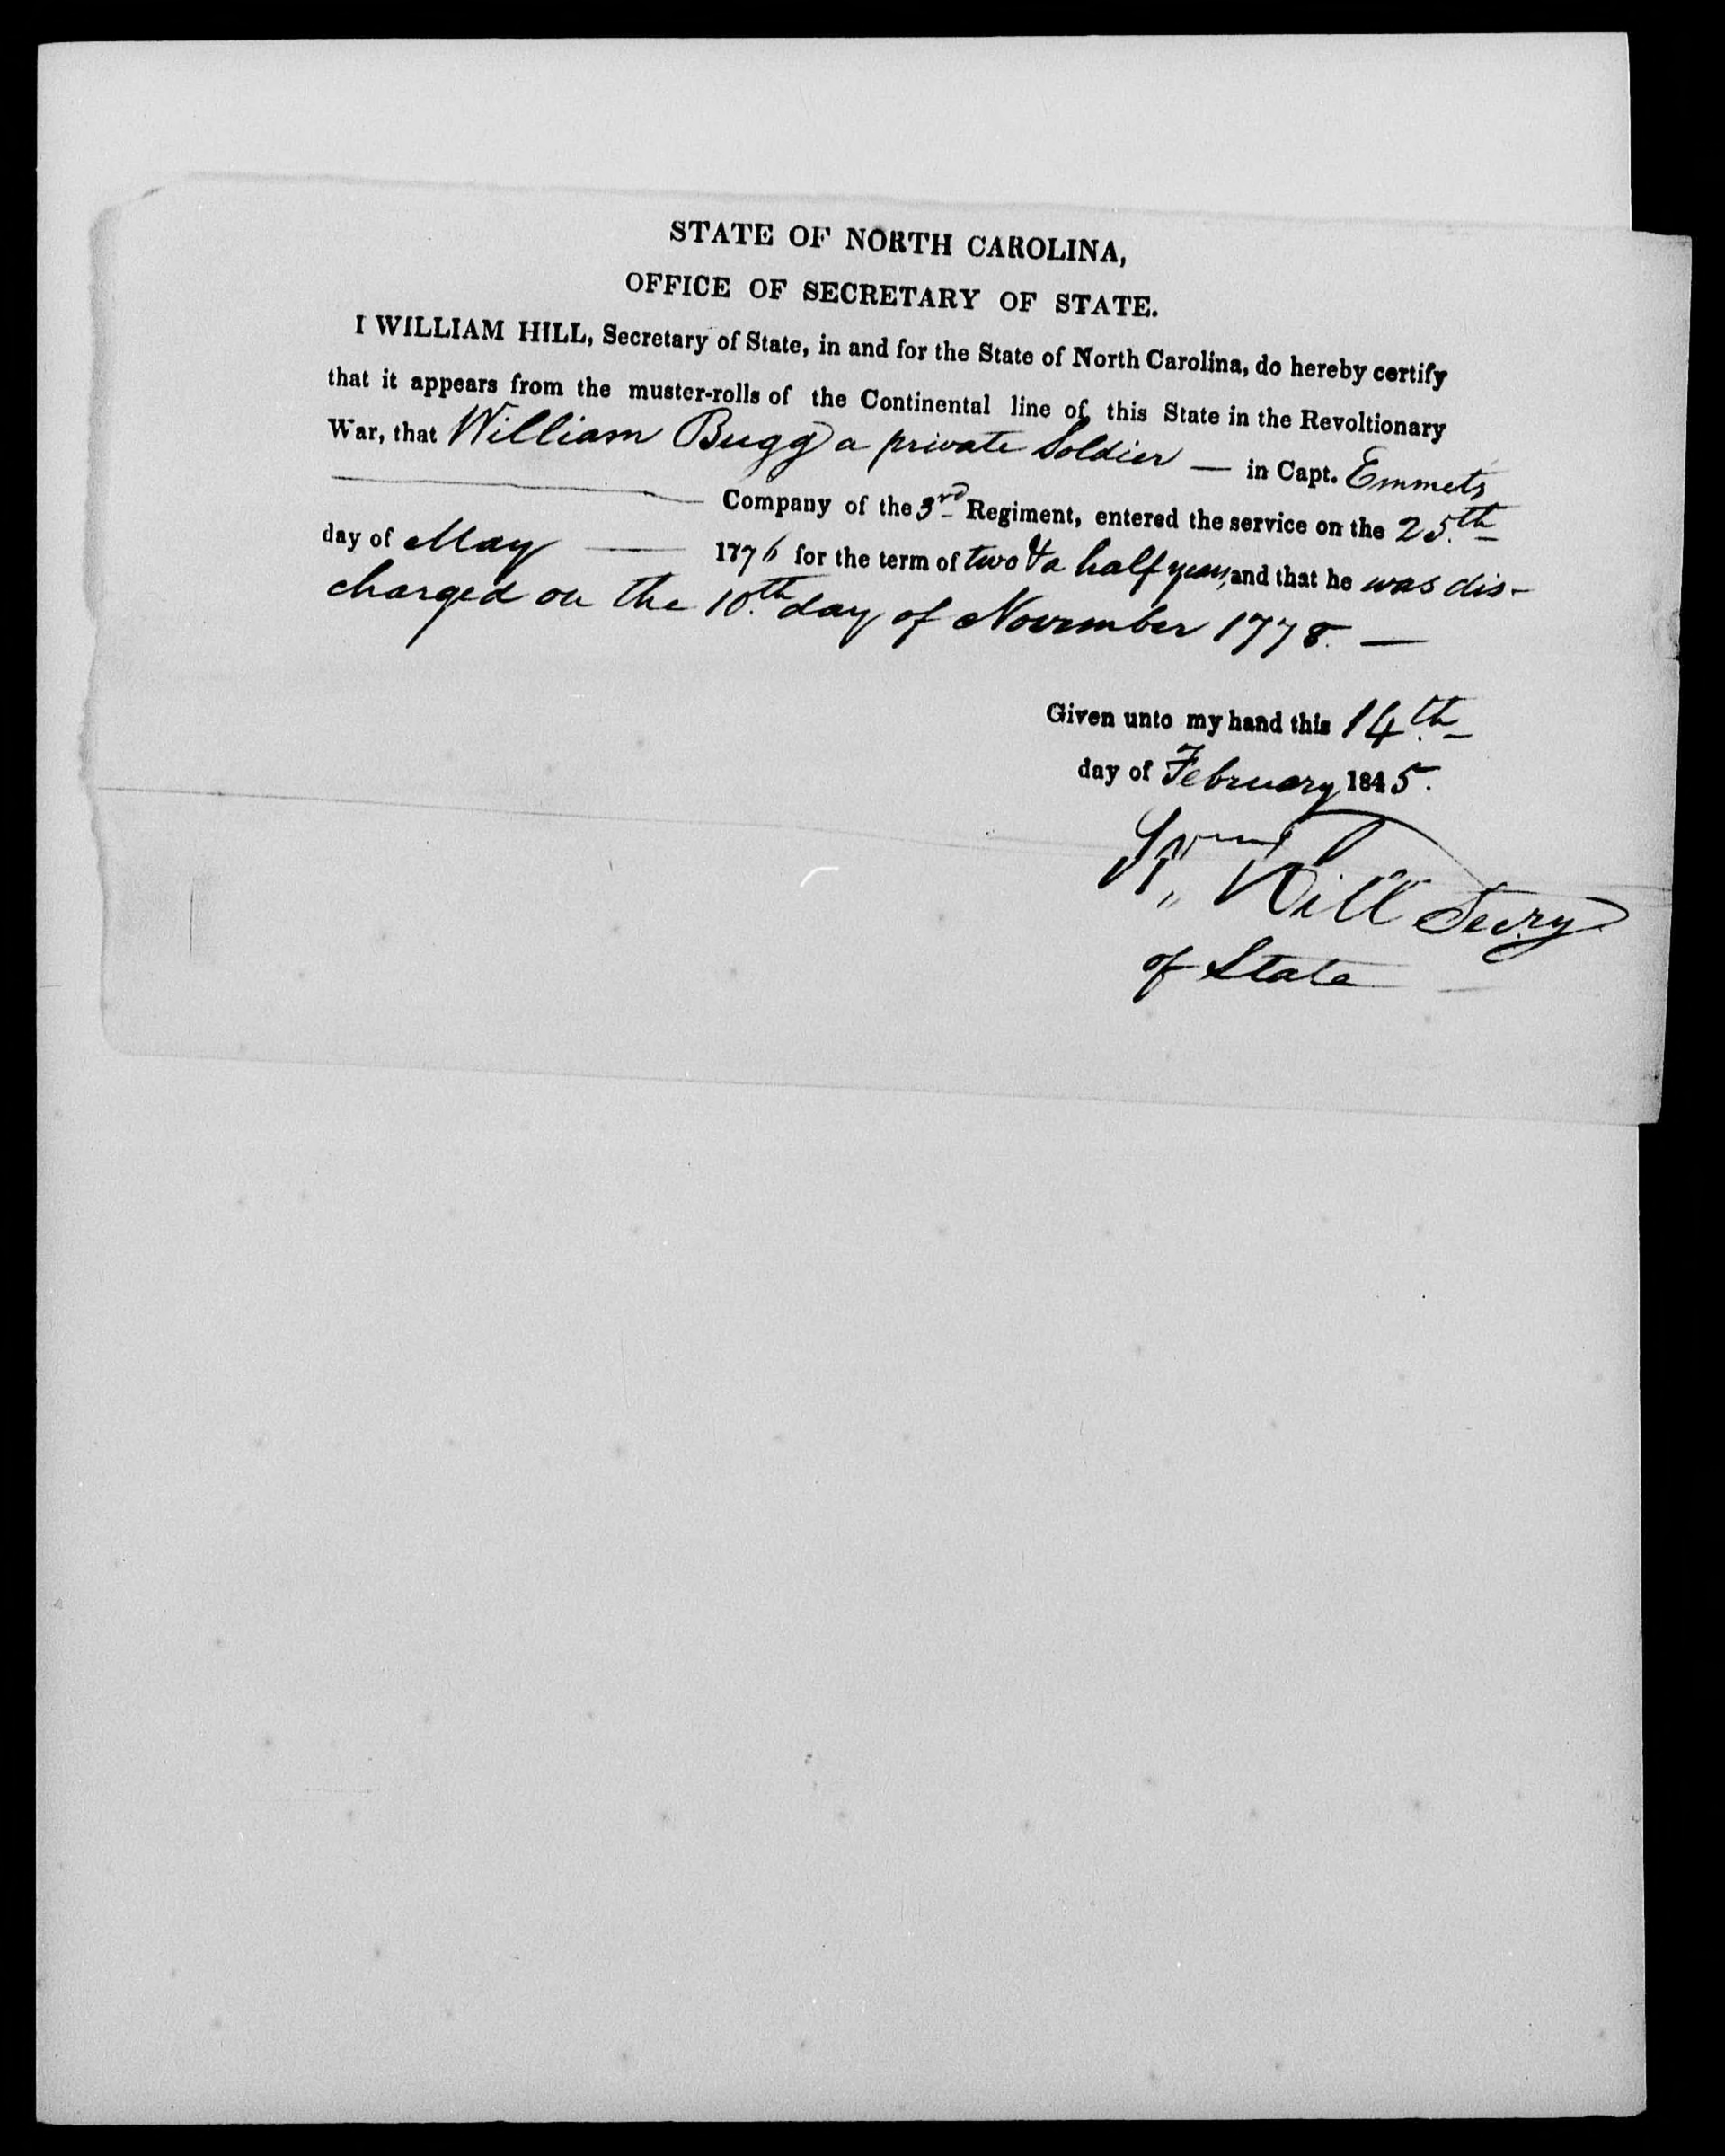STATE OF NORTH CAROLINA, 
OFFICE OF SECRETARY OF STATE.

I WILLIAM HILL, Secretary of State, in and for the State of North Carolina, do hereby certify that it appears from the muster-rolls of the Continental line of this State in the Revoltionary War, that William Bugg a private Soldier - in Capt. Emmet's Company of the 3rd Regiment, entered the service on the 25.th day of May 1776 for the term of two & a half years, and that he was discharged on the 10.th day of November 1778.-

Given under my hand this 14.th day of February 1845.
Wm Hill Secry of State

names: William Bugg, William Hill, Wm Hill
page: 24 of 50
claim: widow's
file: W. 898, William Bugg, N.C.